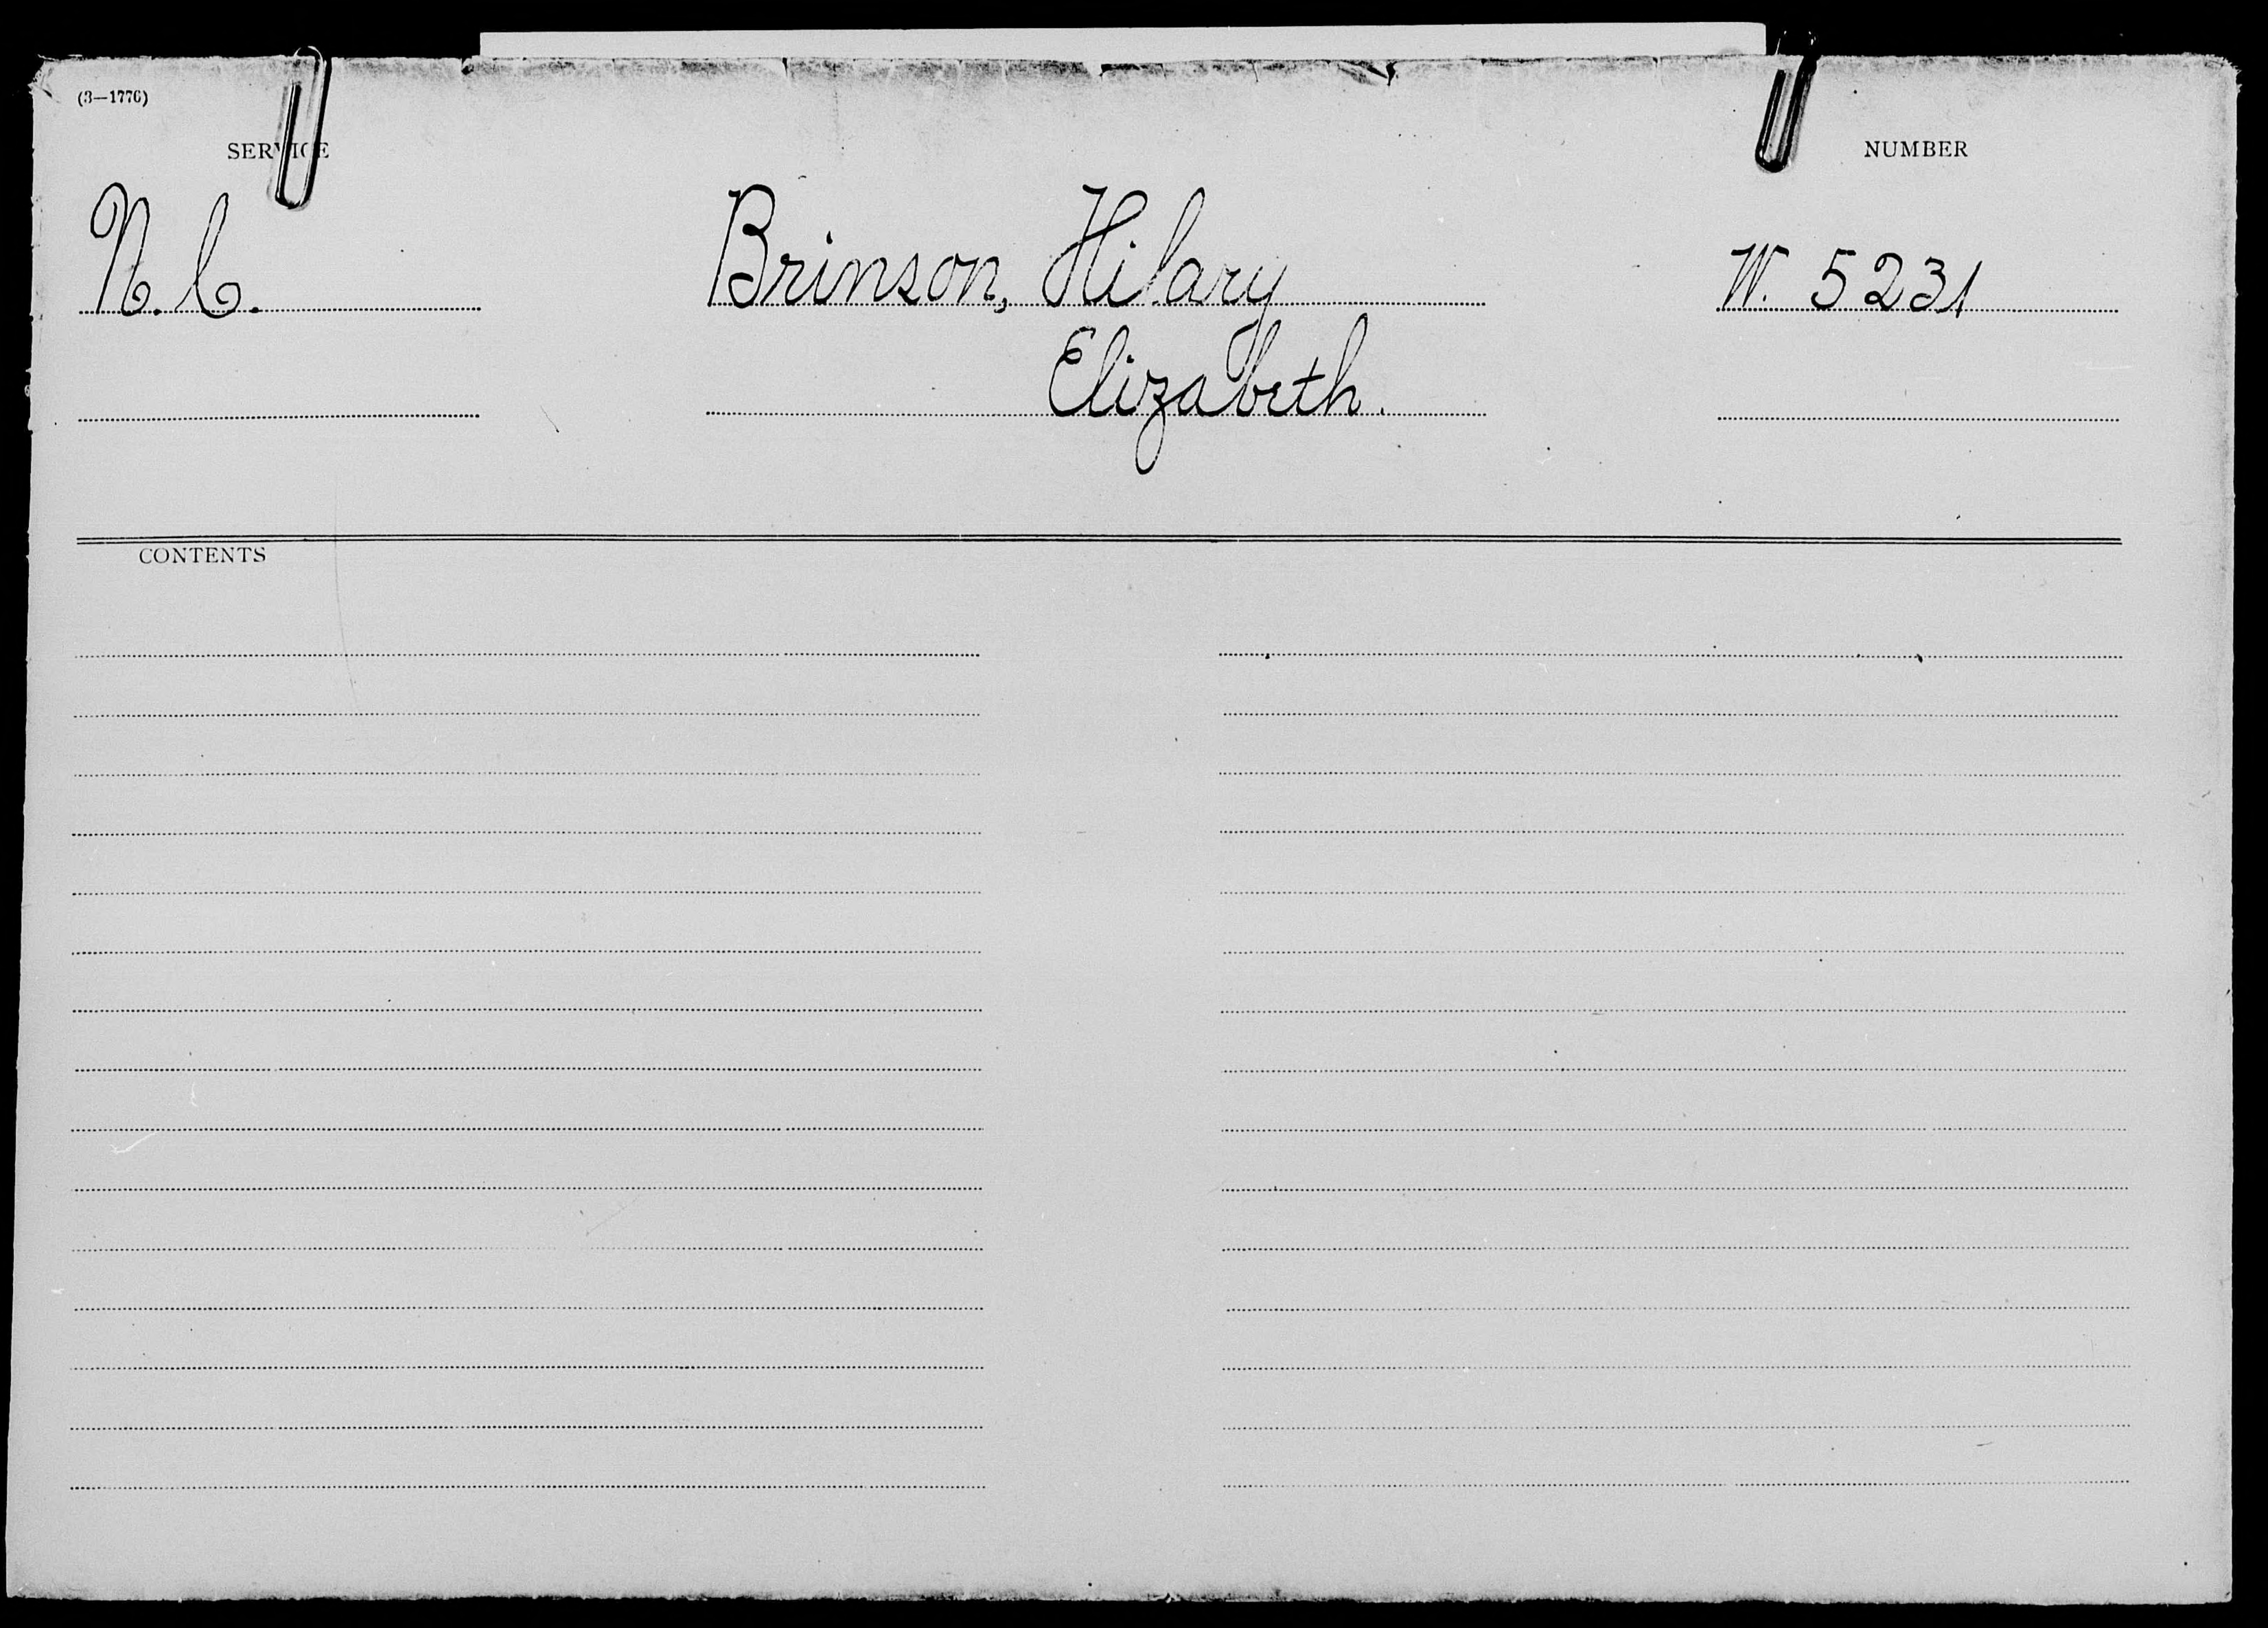Service
N.C.

Brinson Hilary
Elizabeth

Number
W.5231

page: 1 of 38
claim: widow's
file: W. 5231, Hilary Brinson, N.C.